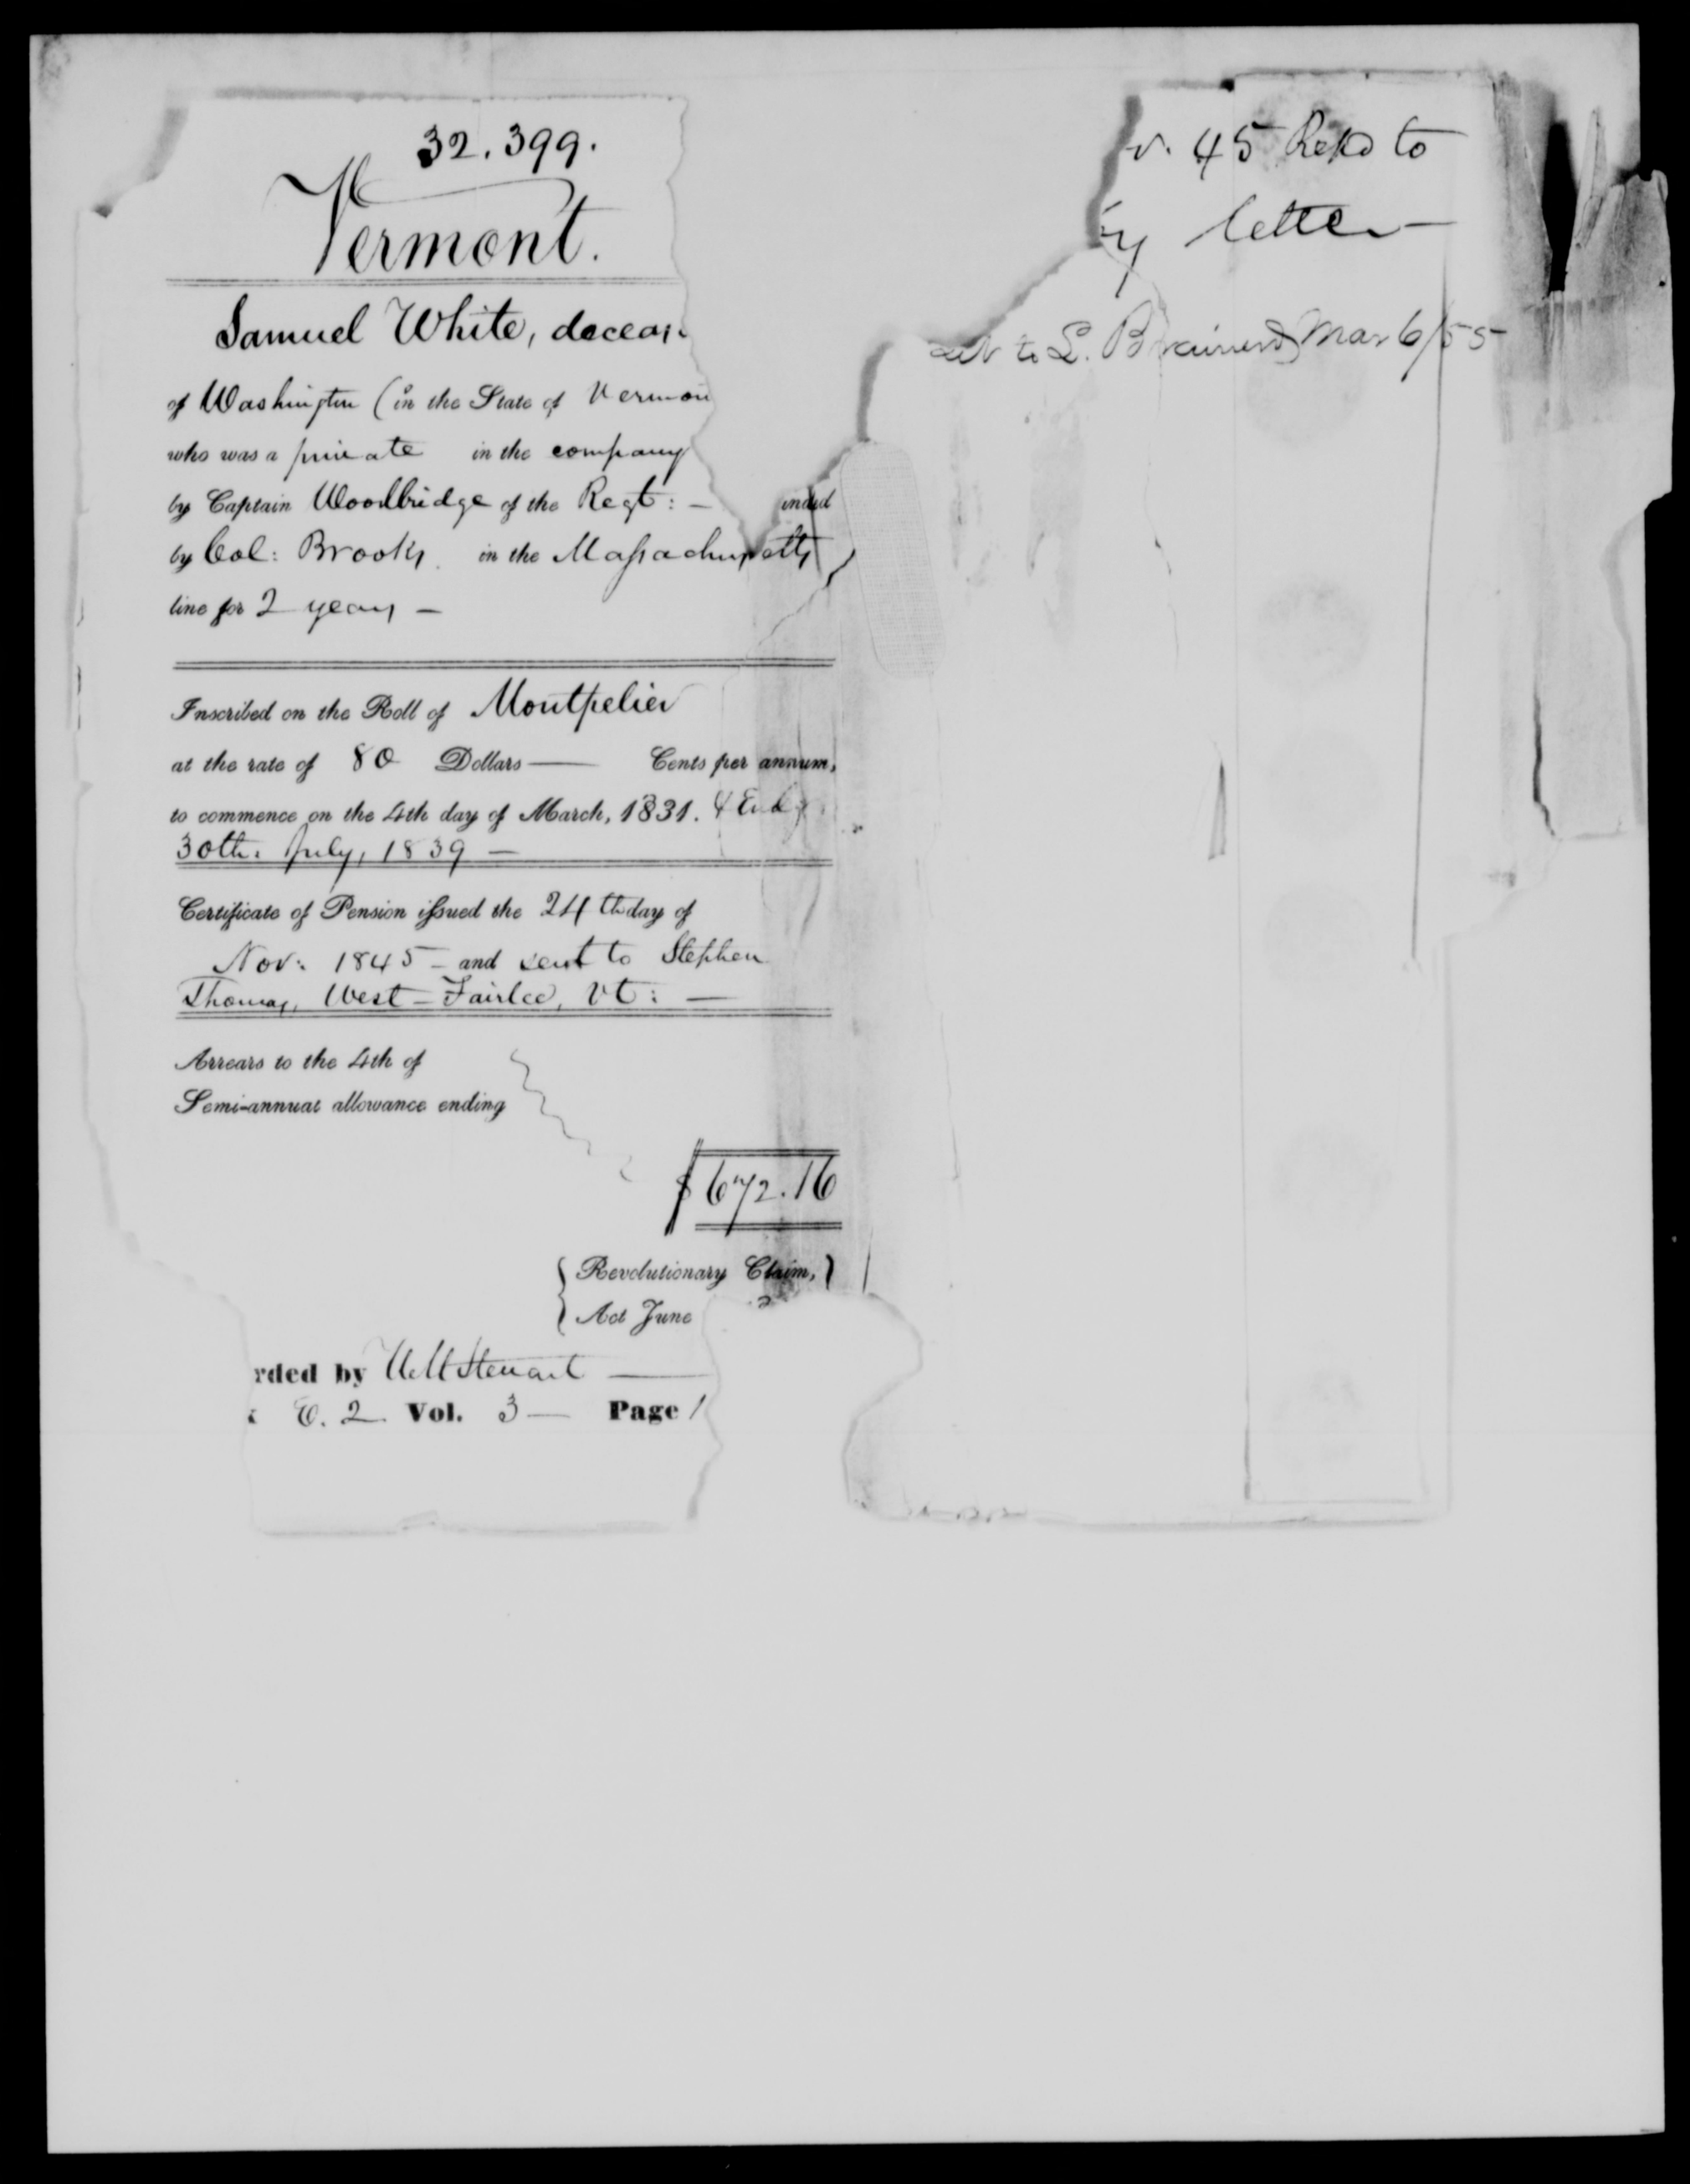(document torn/piece missing top section)

32.299
Vermont
Samuel White, decea
of Wahington Co. in the State of Vermo
who was a private in the company
by Captain Woodbridge of the Regt
by Col. brooks in the Massachusetts line for 2 years

Inscribed on the Roll of Montpelier at the rate of 80 dollars ---Cents per annum to commence on the 4th day of March, 1831 & endg. 30th July 1839

Certificate of Pension issued the 24th day of Nov. 1845 and sent to Stephen Thomas, West Fairlee, Vt.

Arrears to the 4th
Semi-annual allowance ending
$672.16
{Revolutionary Claim}
{Act June (stained).

(stained)rded by W.M. Stewart
(stained)  E. 2 Vol. 3 Page 1(stained)

(right side torn)

(torn 45 refd to
(torn) letter
let. to L. Brainerd mar 6/55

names: Woodbridge, Samuel White, L Brainerd, Brooks, Stephen Thomas, W M Stewart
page: 10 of 79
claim: survivor's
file: S. 11759, Samuel White, Mass.